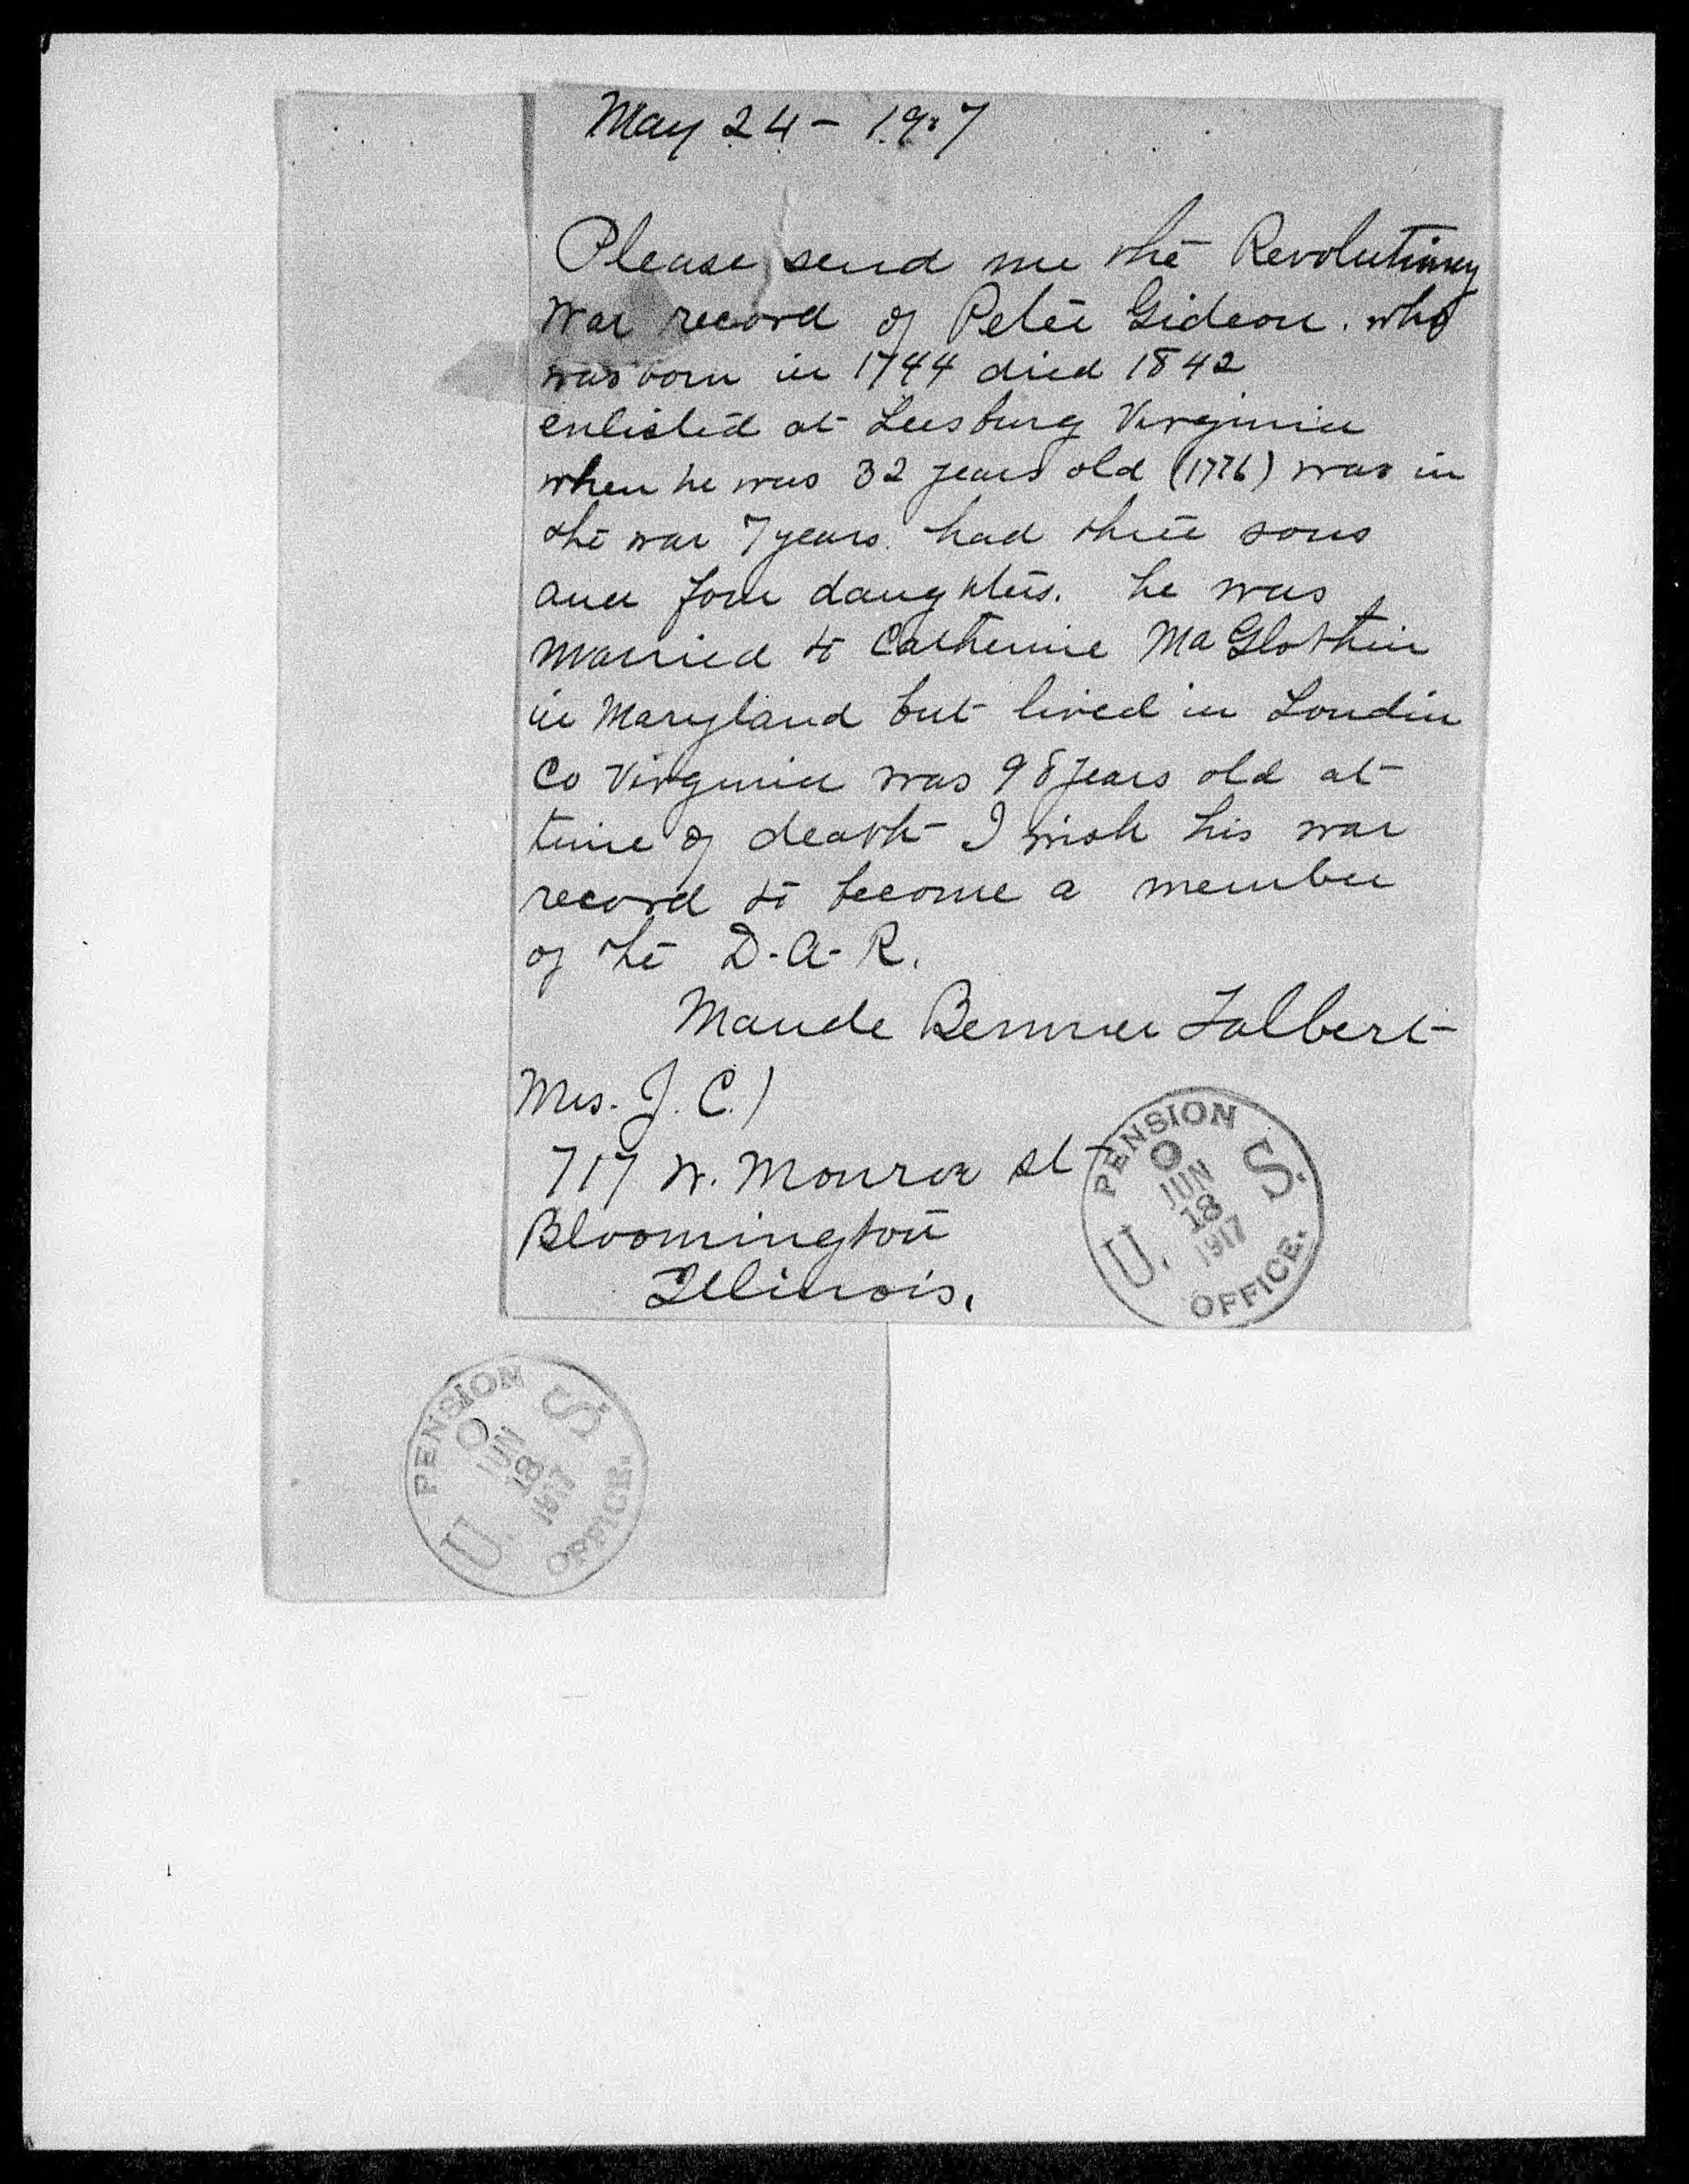May 24 1917

Please send me the Revolutionary War
record of Peter Gideon, who
was born in 1744 died 1842
enlisted at Leesburg Virginia
when he was 32 years old (1776) was in
the war 7 years had three sons
and four daughters. He was
married to Catherine MaGlothin
in Maryland but lived in Loudon
Co Virginia was 98 years old at
time of death.  I wish his war
record to become a member of the D.A.R.

Maude Benner Talbert
(Mrs. J.C.)

717 W. Monroe St
Bloomington
Illinois


[Stamped US pension office Jun 18 1917]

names: J C, Catherine Ma Glothin, Peter Gideon, Maude Bernice Talbert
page: 37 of 64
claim: survivor's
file: S. 6887, Peter Gideon, Md.